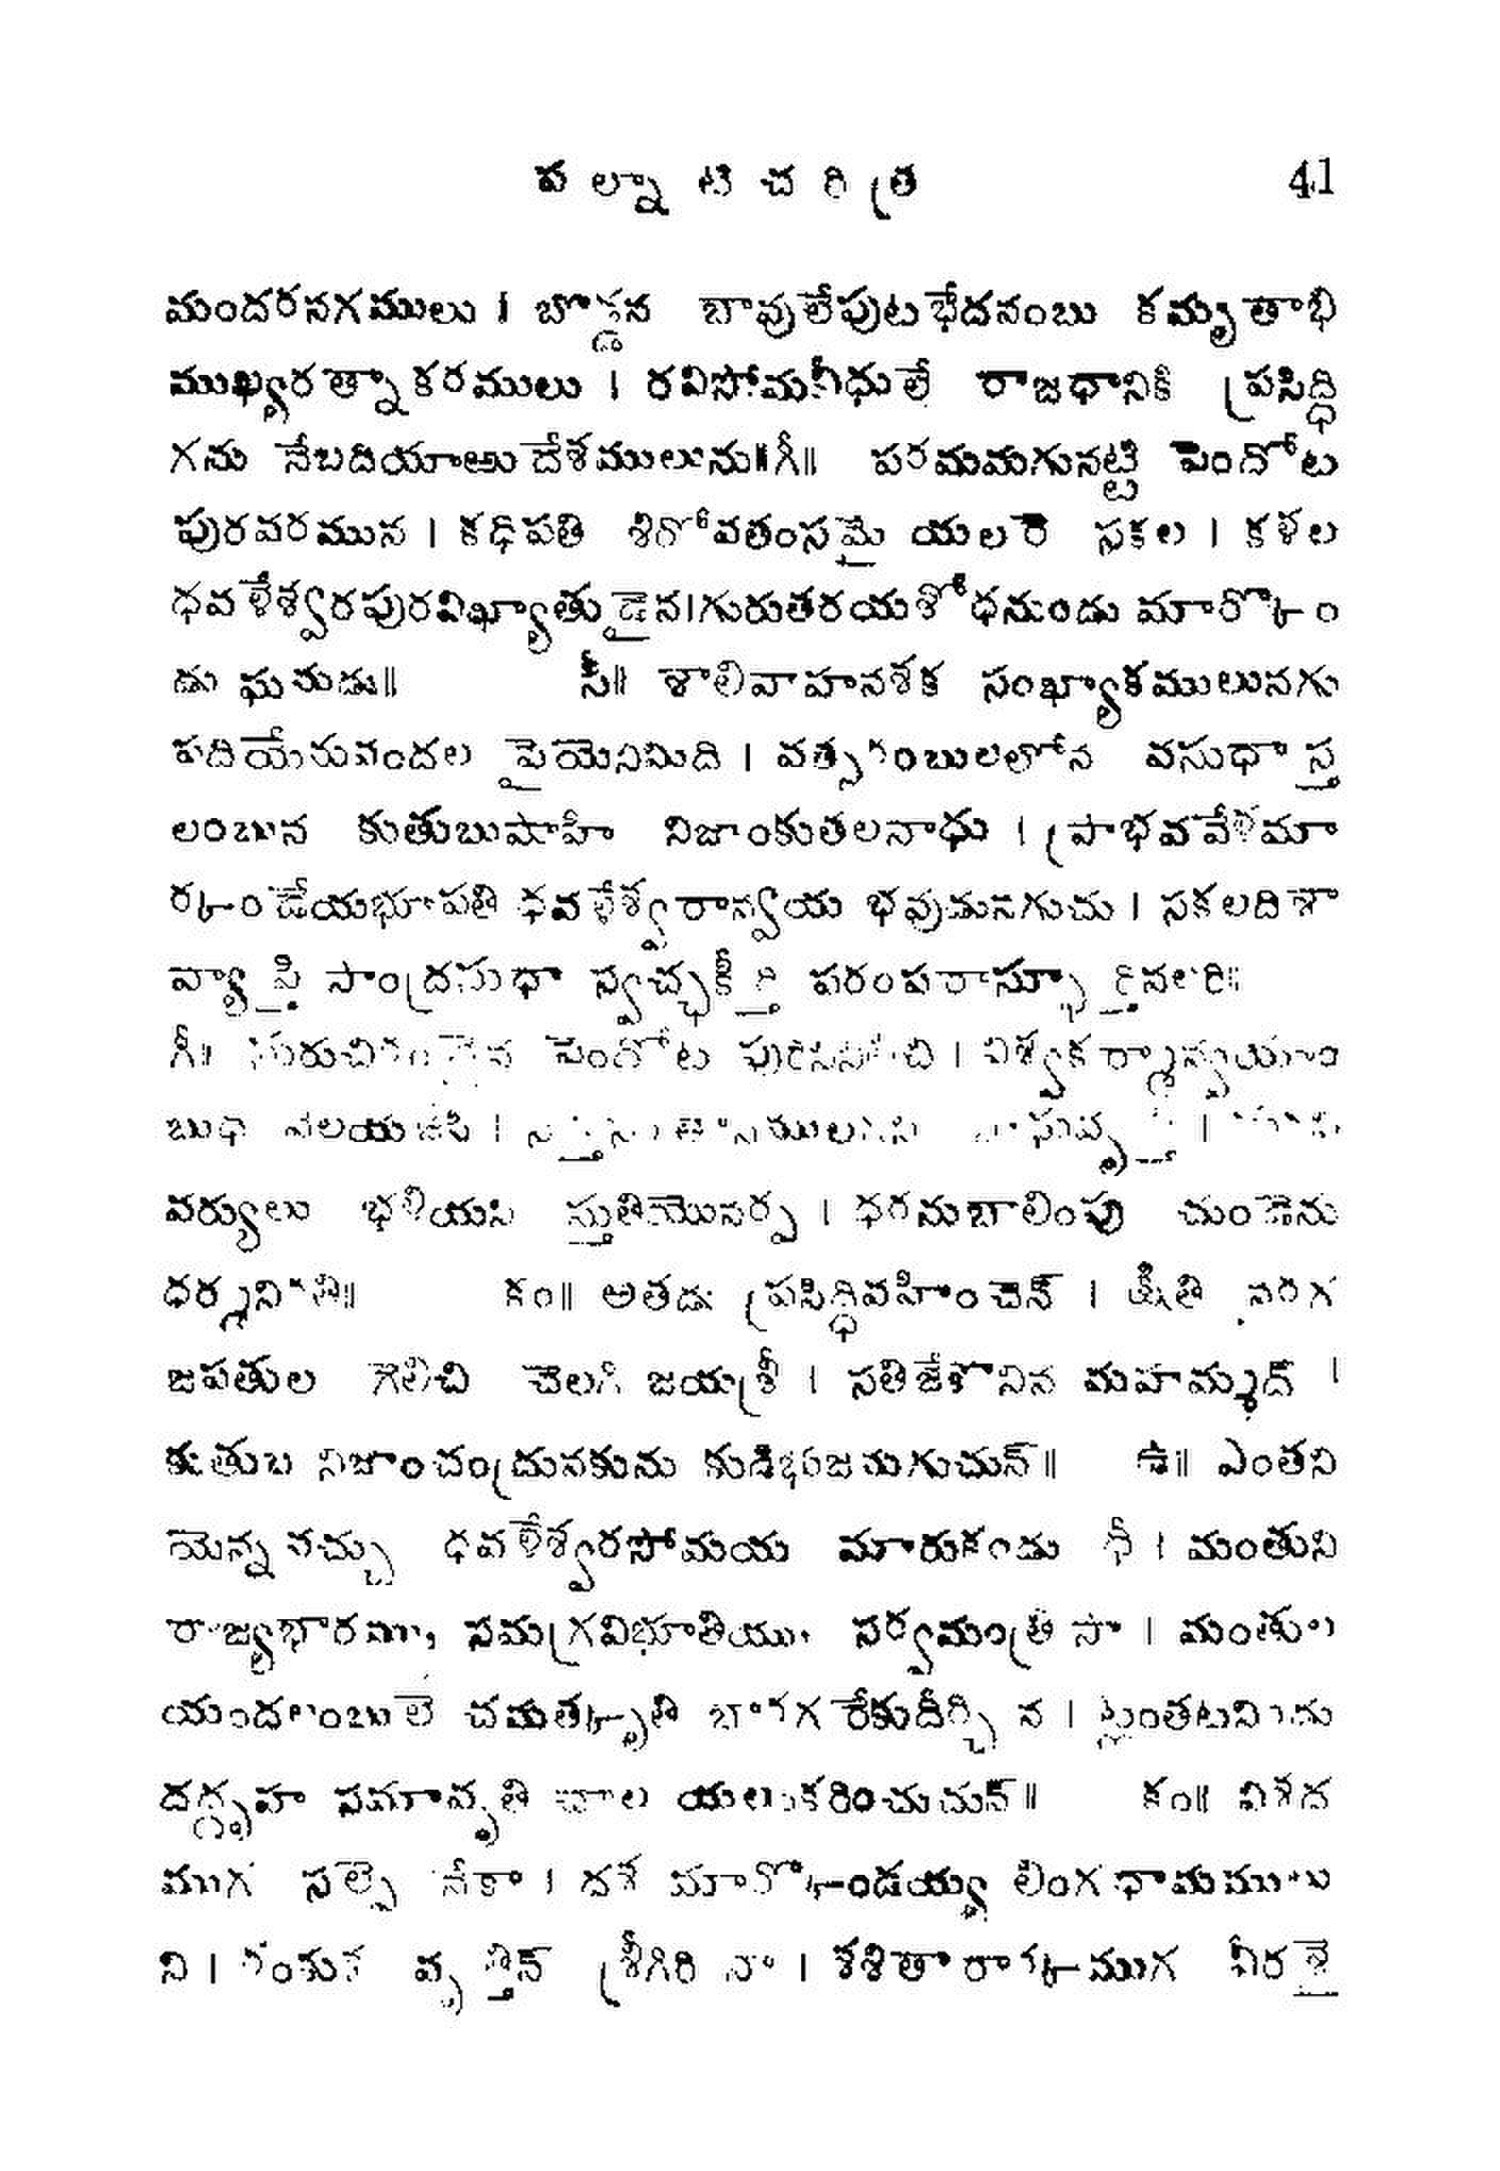మందర నగములు | 
 బొడ్డన బావులేపుట భేదనంబు 
కమృతాభి ముఖ్యరత్నాకరములు | 
 రవిసోమవీధులే రాజధానికి ప్రసిద్ధి
 గను నేబదియాఱు దేశములును ॥ 
 
గీ ॥ పరమమగునట్టి పెందోటపురవరమున | 
 కధిపతి శిరోవతంసమై యలరె సకల 
 కళల ధవళేశ్వరపురవిఖ్యాతు డైన 
 గురుతరయశోధనుండు మార్కొండు ఘనుడు 
 
సీ॥ శాలివాహనశక సంఖ్యాకములునగు
 పదియేనువందల పైయెనిమిది | 
 వత్సరంబులలోన వసుధాస్తలంబున 
 కుతుబుషాహీ నిజాంకుతలనాథు। 
 ప్రాభవ వేళమార్కం డేయభూపతి 
 ధవళేశ్వరాన్వయ భవుడునగుచు | 
 సకలదిశావ్యాప్తి సాంద్రసుధా స్వచ్ఛ
 కీర్తి పరంపరాస్ఫూర్తినలరి 
గీ॥ సురుచిరంబైన పెందోట పురినిలిచి | 
 విశ్వకర్మాన్వయంబుధి వెలయజేసి 
 సప్త సంతానములగని సాధువృత్తి 
 ....వర్యులు భళియని స్తుతియొనర్ప | 
 ధరనుబాలింపు చుండెను ధర్మనిరతి 
 
కం॥ అతడు ప్రసిద్ధివహించెన్ | 
 క్షితి వరగజపతులు గెలిచి చెలగి జయశ్రీ 
 సతిజేకొనిన మహమ్మద్
 కుతుబ నిజాంచంద్రునకును కుడిభుజమగుచున్ || 
 
ఉ॥ ఎంతనియెన్నవచ్చు ధవళేశ్వరసోమయ మారుకండు ధీ
 మంతుని రాజ్యభారము, సమగ్రవిభూతియు సర్వమంత్రి సా 
 మంతులయందలంబులె చమత్కృతి బారగరేకు దీర్చి న | 
 ట్లంతటనిండుదద్గృహ సమావృతి చాల యలుకరించుచున్ ॥

కం. విశదముగ సల్పె నేకా | 
 దశ మార్కొండయ్య లింగ ధామములు ని 
 నిరంకుశ వృత్తిన్ శ్రీగిరి నా | 
 శశితా రార్కముగ వీరశై